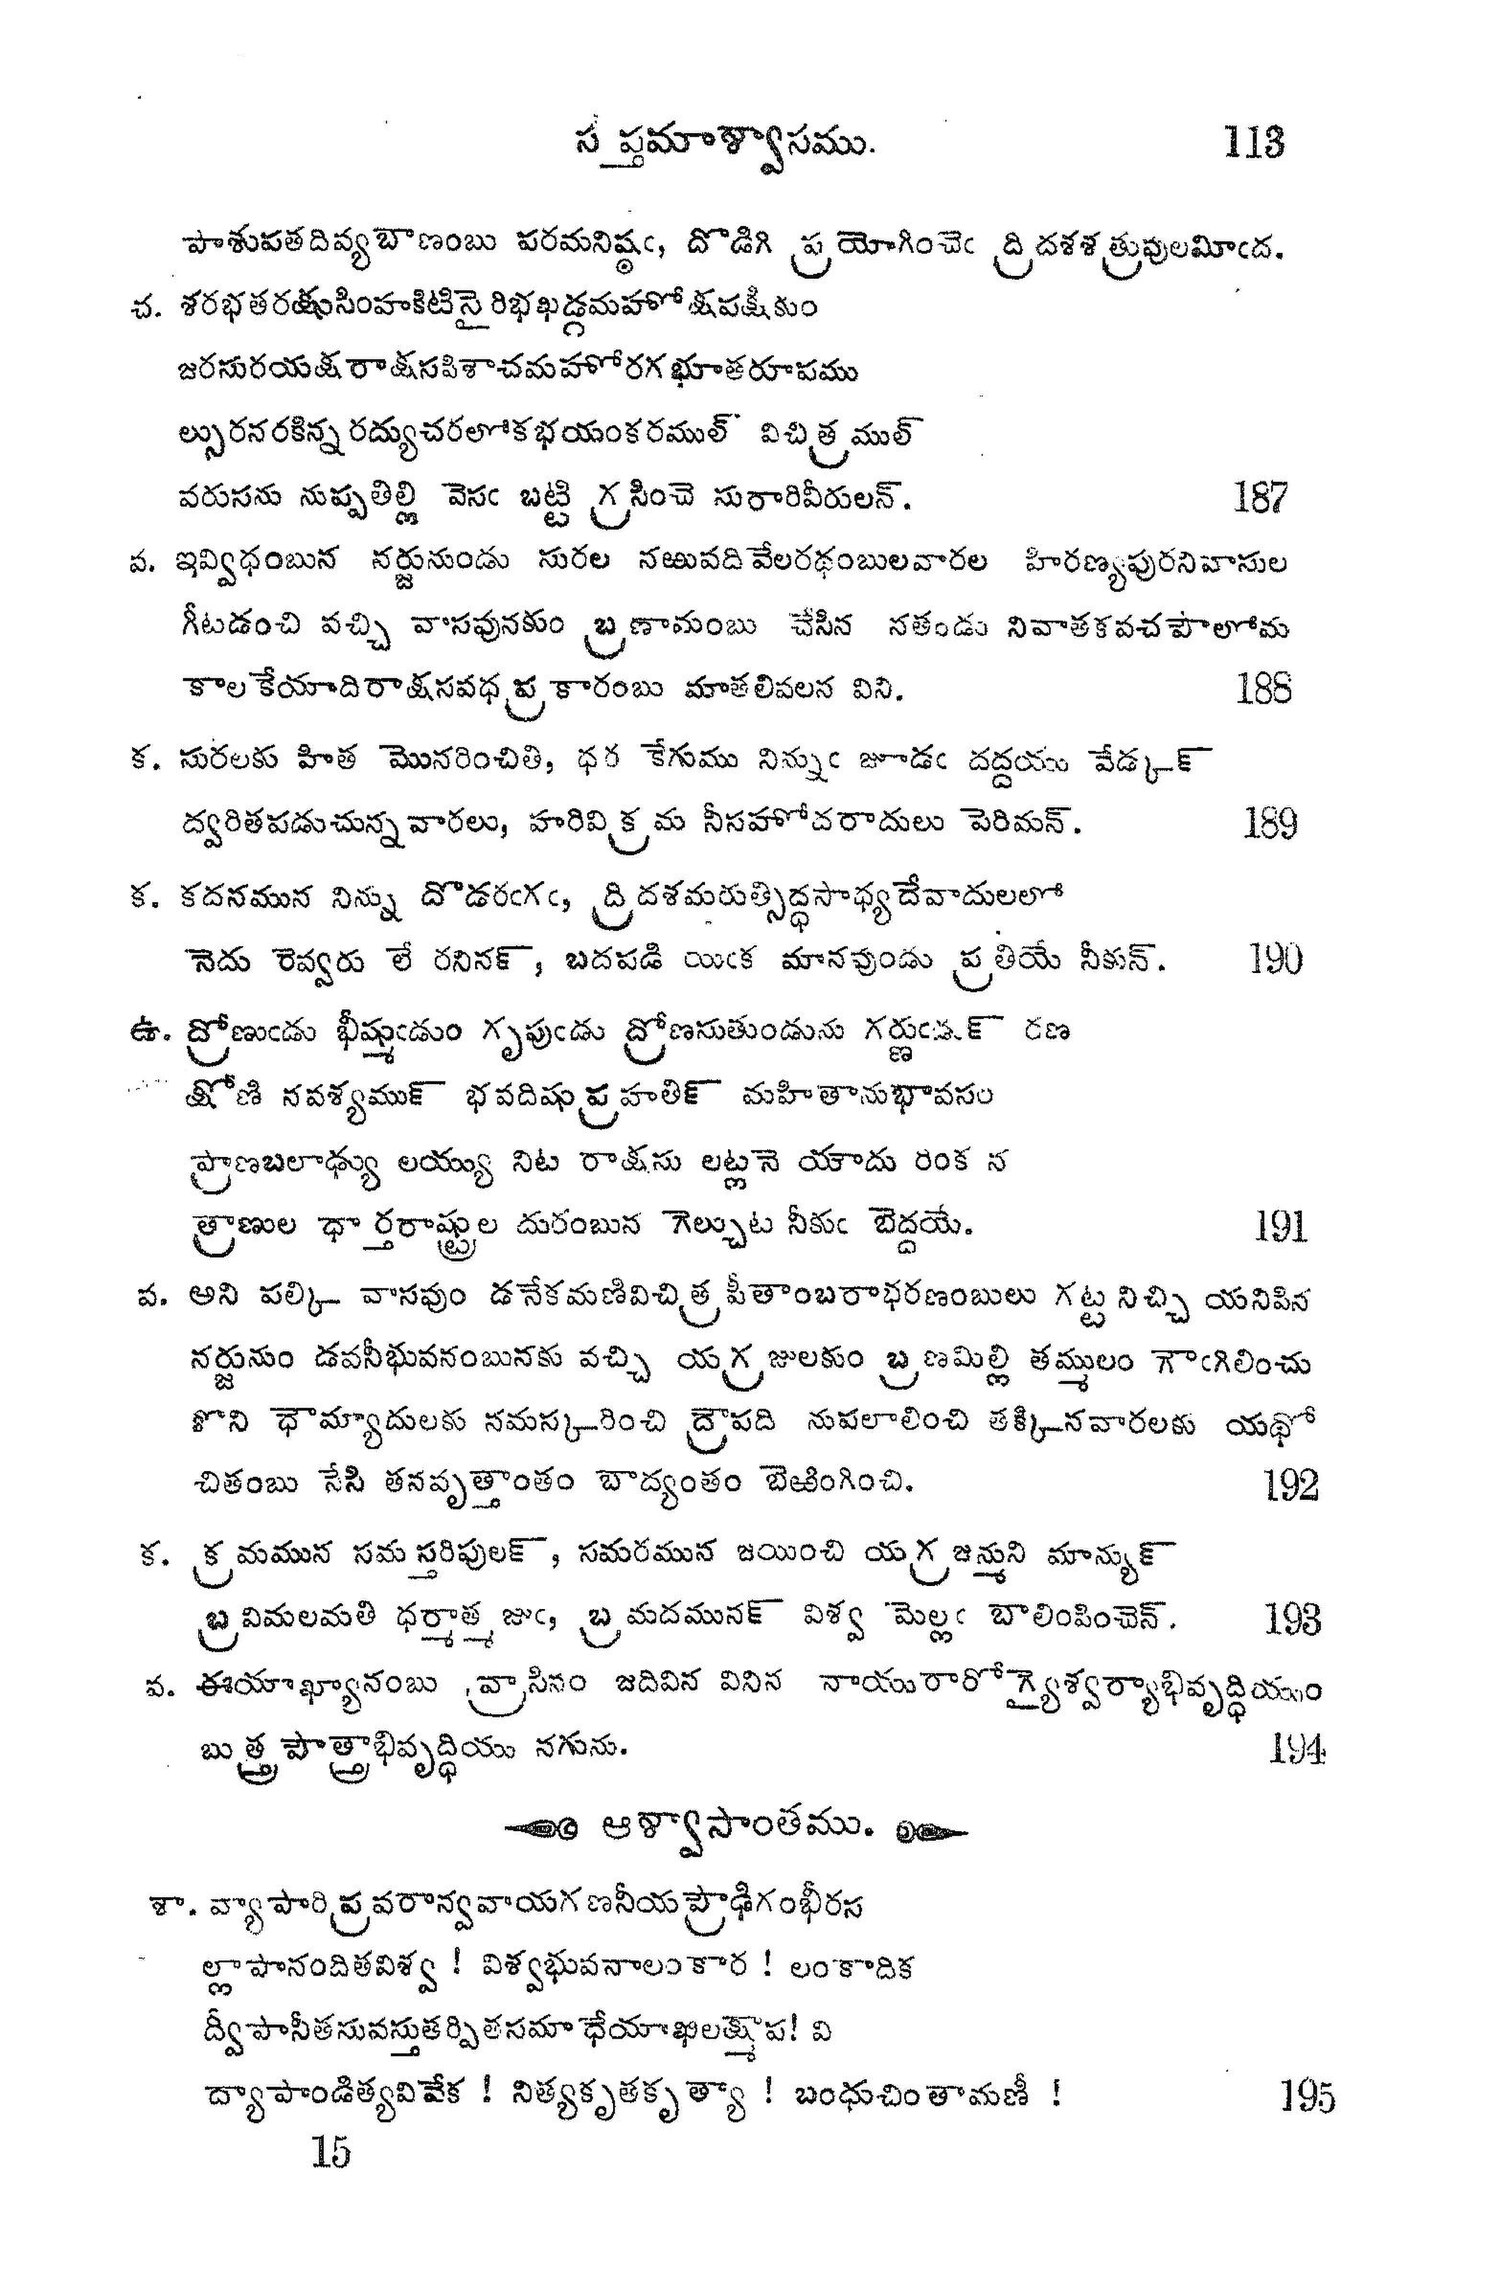పాశుపతదివ్యబాణంబు పరమనిష్ఠఁ దొడిగి ప్రయోగించెఁ ద్రిదశశత్రువులమీఁద. 186 

చ. శరభతరక్షుసింహకిటిసైరిభఖడ్గమహోక్షపక్షికుం
జరసురయక్షరాక్షసపిశాచమహోరగభూతరూపము
ల్సురనరకిన్నరద్యుచరలోకభయంకరముల్ విచిత్రముల్
వరుసను నుప్పతిల్లి వెసఁ బట్టి గ్రసించె సురారివీరులన్. 187

వ. ఇవ్విధంబున నర్జునుండు సురల నఱువదివేలరథంబులవారల హిరణ్యపురనివాసుల గీటడంచి వచ్చి వాసవునకుం ప్రణామంబు చేసిన నతండు నివాతకవచపౌలోమకాలకేయాదిరాక్షసవధప్రకారంబు మాతలివలన విని. 188

క. సురలకు హిత మొనరించితి, ధర కేగుము నిన్నుఁ జూడఁ దద్దయు వేడ్కన్
ద్వరితపడుచున్నవారలు, హరివిక్రమ నీసహోచరాదులు పెరిమన్. 189

క. కదనమున నిన్ను దొడరఁగఁ, ద్రిదశమరుత్సిద్ధసాధ్యదేవాదులలో
నెదు రెవ్వరు లే రనినన్, బదపడి యిఁక మానవుండు ప్రతియే నీకున్. 190

ఉ. ద్రోణుఁడు భీష్ముఁడుం గృపుఁడు ద్రోణసుతుండును గర్ణుఁడున్ రణ
క్షోణి నవశ్యమున్ భవదిషుప్రహతిన్ మహితానుభావసం
ప్రాణబలాడ్యు లయ్యు నిట రాక్షసు లట్లనె యౌదు రింక న
త్రాణుల ధార్తరాష్ట్రుల దురంబున గెల్చుట నీకుఁ బెద్దయే. 191

వ. అని పల్కి వాసవుం డనేకమణివిచిత్రపీతాంబరాభరణంబులు గట్ట నిచ్చి యనిపిన నర్జునుం డవనీభువనంబునకు వచ్చి యగ్రజులకుం బ్రణమిల్లి తమ్ములం గౌఁగిలించుకొని ధౌమ్యాదులకు నమస్కరించి ద్రౌపది నుపలాలించి తక్కిన వారలకు యథోచితంబు సేసి తనవృత్తాంతం బాద్యంతం బెఱింగించి. 192

క. క్రమమున సమస్తరిపులన్, సమరమున జయించి యగ్రజన్ముని మాన్యున్
బ్రవిమలమతి ధర్మాత్మజుఁ, బ్రమదమునన్ విశ్వ మెల్లఁ బాలింపించెన్. 193

వ. ఈయాఖ్యానంబు వ్రాసినం జదివిన వినిన నాయురారోగ్యైశ్వర్యాభివృద్ధియుం బుత్త్రపౌత్త్రాభివృద్ధియు నగును.

శా. వ్యాపారిప్రవరాన్వవాయగణనీయప్రౌఢిగంభీరస
ల్లాపానందితవిశ్వ! విశ్వభువనాలంకార! లంకాదిక
ద్వీపానీతసువస్తుతర్పితసమాధేయాఖిలక్ష్మాప! వి
ద్యాపాండిత్యవివేక! నిత్యకృతకృత్యా! బంధుచింతామణీ! 195